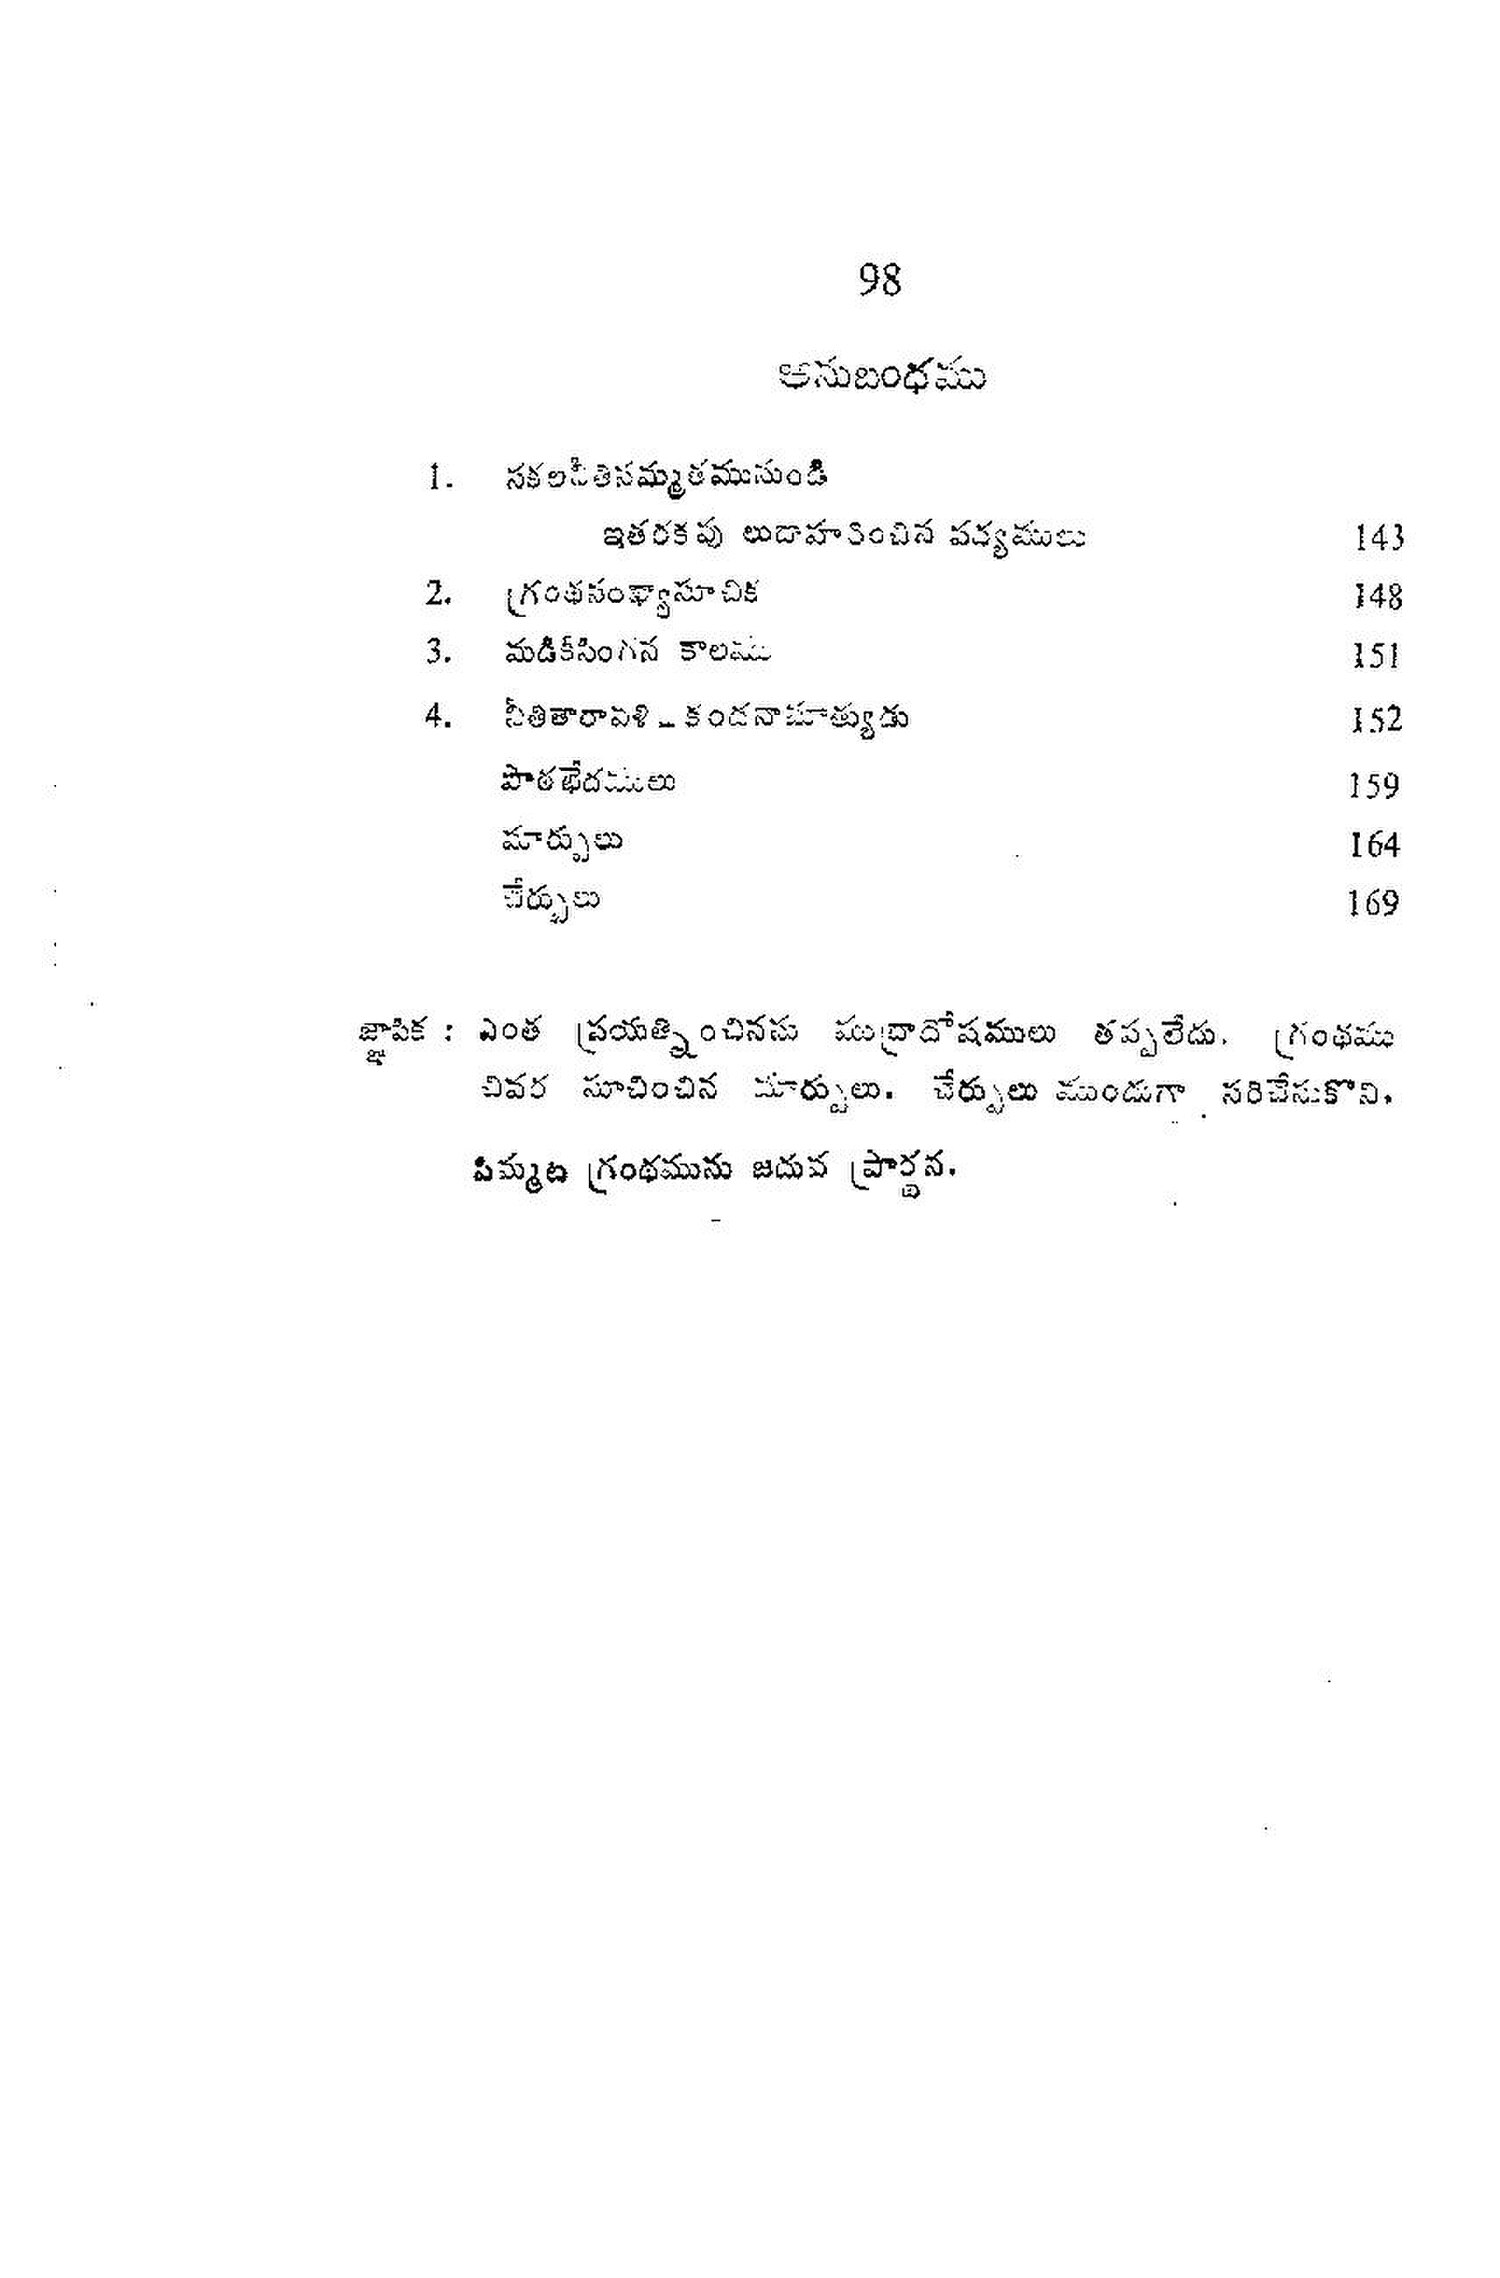జ్ఞాపిక : ఎంత ప్రయత్నించినను ముద్రాదోషములు తప్పలేదు. గ్రంథము చివర సూచించిన మార్పులు, చేర్పులు ముందుగా సరిచేసుకొని, పిమ్మట గ్రంథమును జదువ ప్రార్థన.